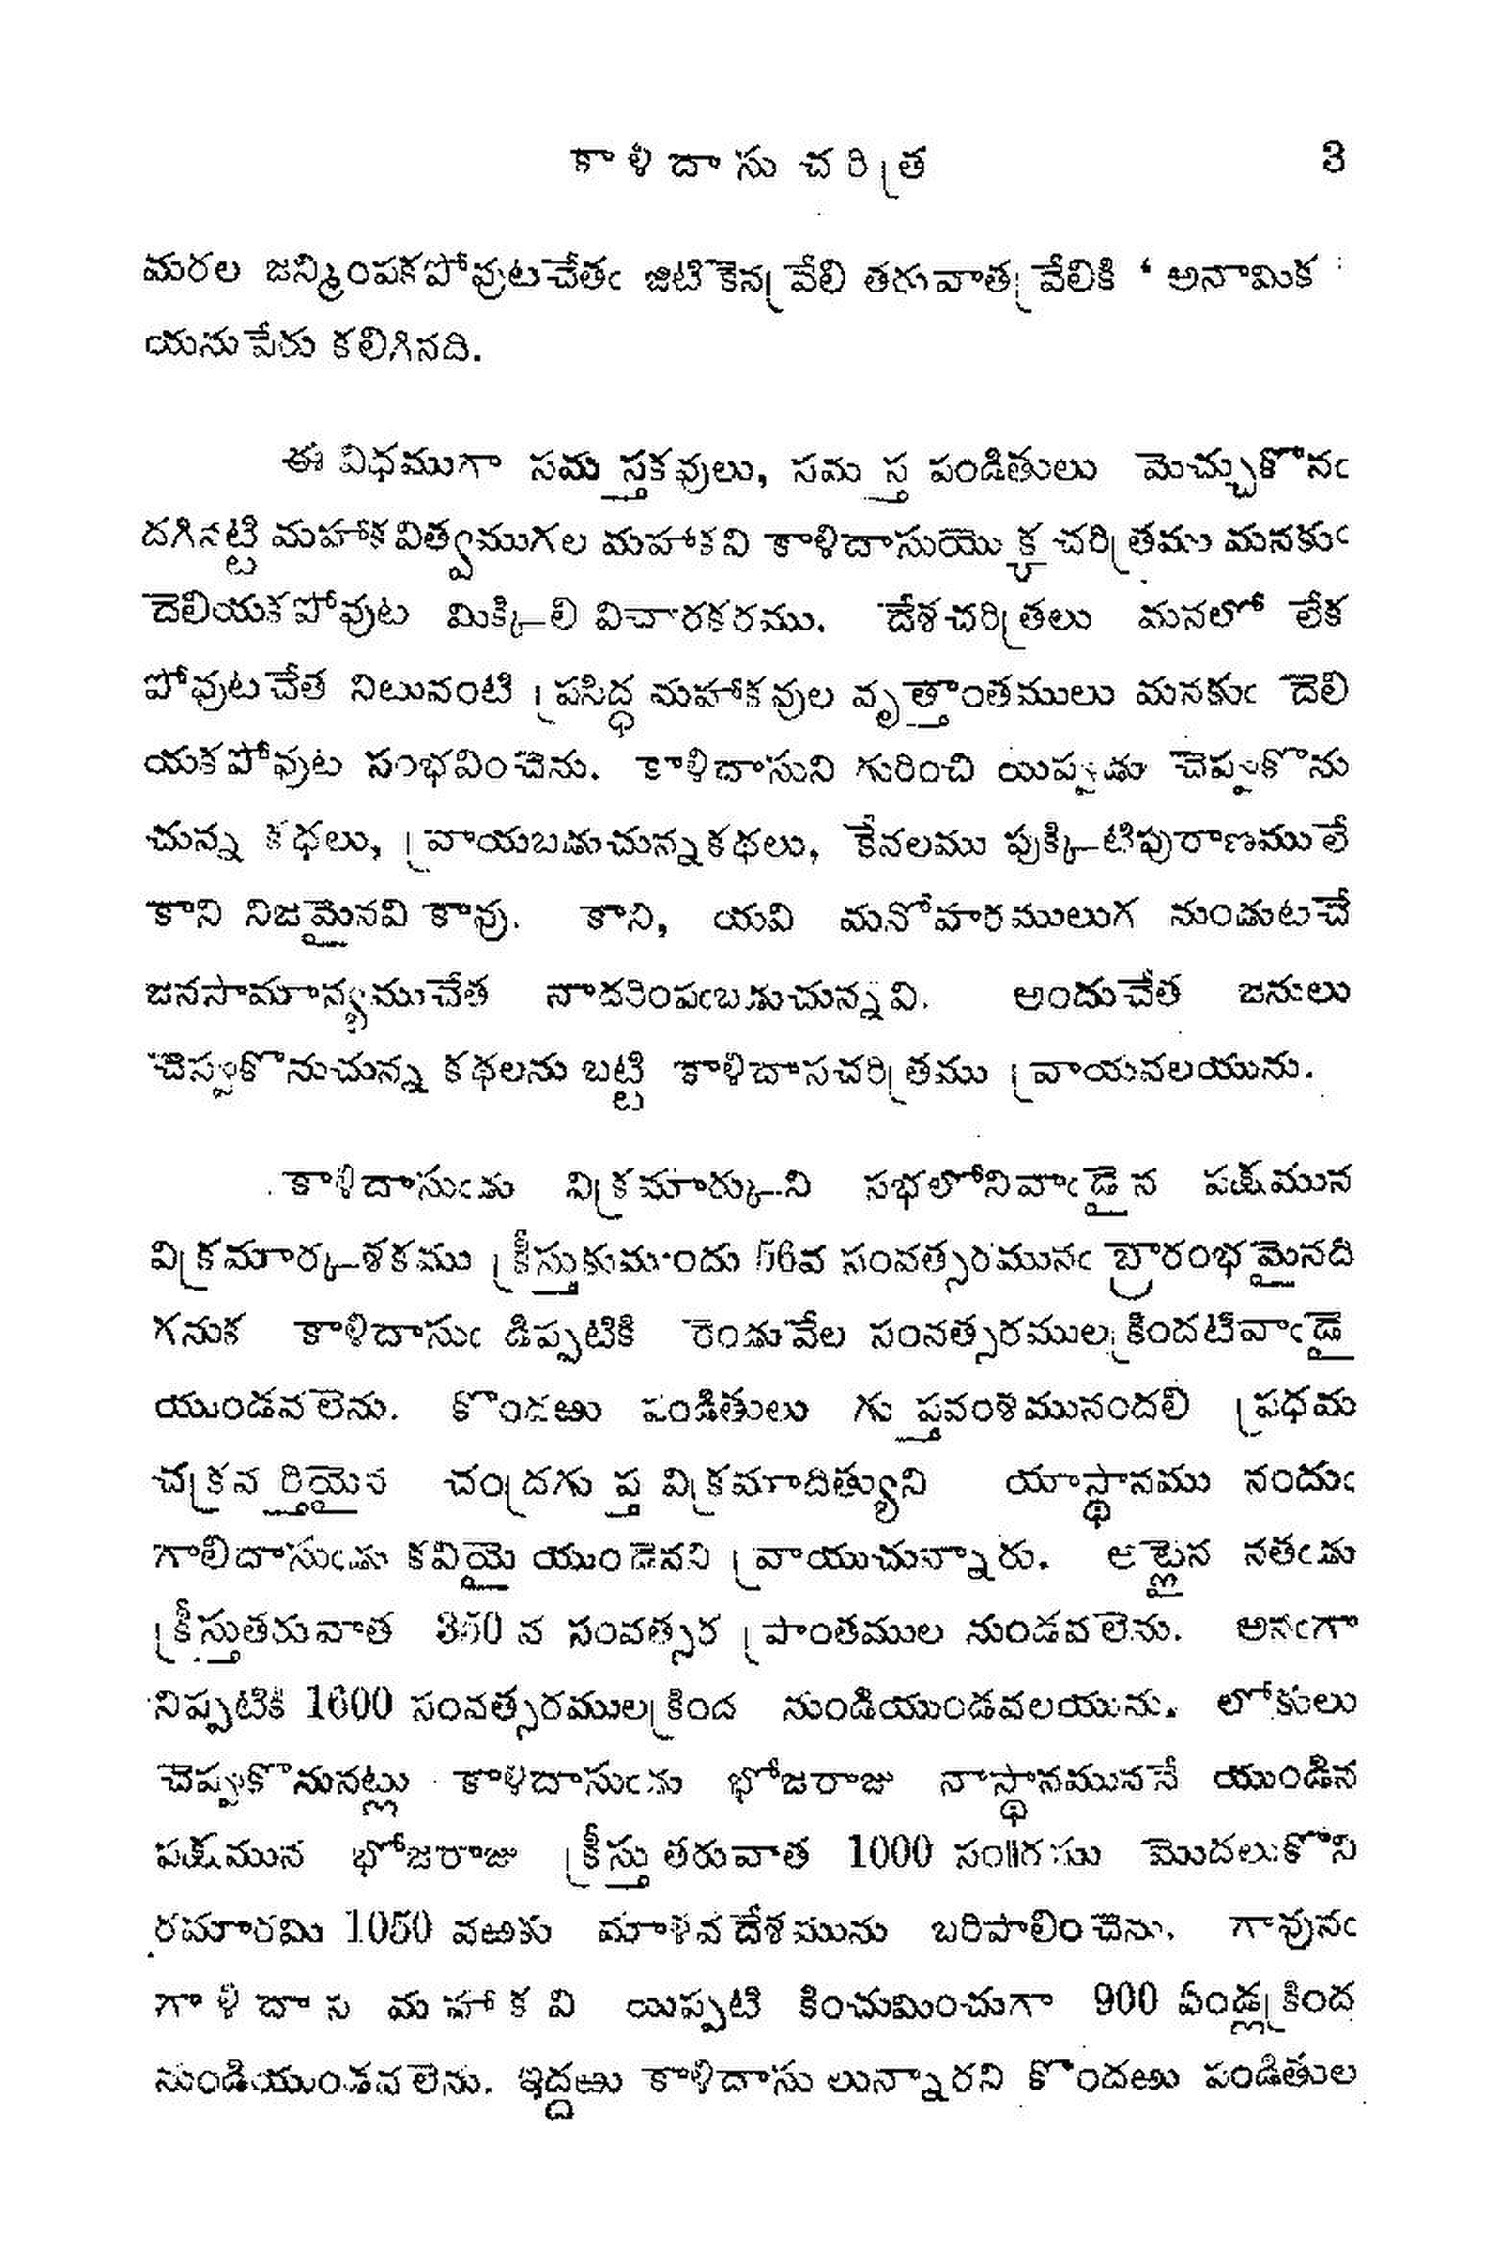మరల జన్మింపకపోవుటచేత జిటికెనవ్రేలి తరువాత వ్రేలికి ‘అనామికా యనుపేరు కలిగునది.

ఈ విధముగా సమస్తకవులు, సమస్త పండితులు మెచ్చుకొనఁదగినట్టి మహాకవిత్వముగల మహాకవి కాళిదాసుయొక్క చరిత్రము మనకు దెలియకపోవుట మిక్కిలి విచారకరము. దేశచరిత్రలు మనలోలేకపోవుటచేత నిటువంటి ప్రసిద్ద మహాకవుల వృత్తాంతములు మనకుఁ దెలియకపోవుట సంభవించెను. కాళిదాసుని గురించి యిప్పుడు చెప్పుకొనుచున్న కథలు, వ్రాయబడుచున్న కథలు, కేవలము పుక్కిటిపురాణములే కాని నిజమైనవికావు. కాని, యవి మనోహరములుగ నుండుటచే జనసామాన్యముచేత నాదరింపఁబడుచున్నవి. అందుచేత జనులు చెప్పుకొనుచున్న కథలనుబట్టి కాళిదాసచరిత్రము వ్రాయవలయును.

కాళిదాసుఁడు విక్రమార్కుని సభలోని వాఁడైన పక్షమున విక్రమార్కశకము క్రీస్తునకుముందు 56వ సంవత్సరమునఁ బ్రారంభమైనది గనుక కాళిదాసుఁ డిప్పటికి రెండువేల సంవత్సరముల క్రిందటివాఁడై యుండవలెను. కొందఱు పండితులు గుప్తవంశమునందలి ప్రధమ చక్రవర్తియైన చంద్రగుప్త విక్రమాదిత్యుని యాస్థానము నందుఁ గాళిదాసుఁడు కవియై యుండెనని వ్రాయుచున్నారు. అట్లైన నతఁడు క్రీస్తుతరువాత 350వ సంవత్సర ప్రాంతముల నుండవలెను. అనఁగా నిప్పటికి 1600 సంవత్సరములక్రింద నుండియుండవలయును. లోకులు చెప్పుకొనునట్లు కాళిదాసుఁడు భోజరాజు నాస్థానముననే యుండిన పక్షమున భోజరాజు క్రీస్తుతరువాత 1000 సం॥రము మొదలుకొని రమారమి 1050 వఱకు మాళవదేశమును బరిపాలించెను. గావునఁ గాళిదాసమహాకవి యిప్పటి కించుమించుగా 900 ఏండ్ల కింద నుండియుండవలెను. ఇద్దరు కాళిదాసు లున్నారని కొందఱు పండితుల